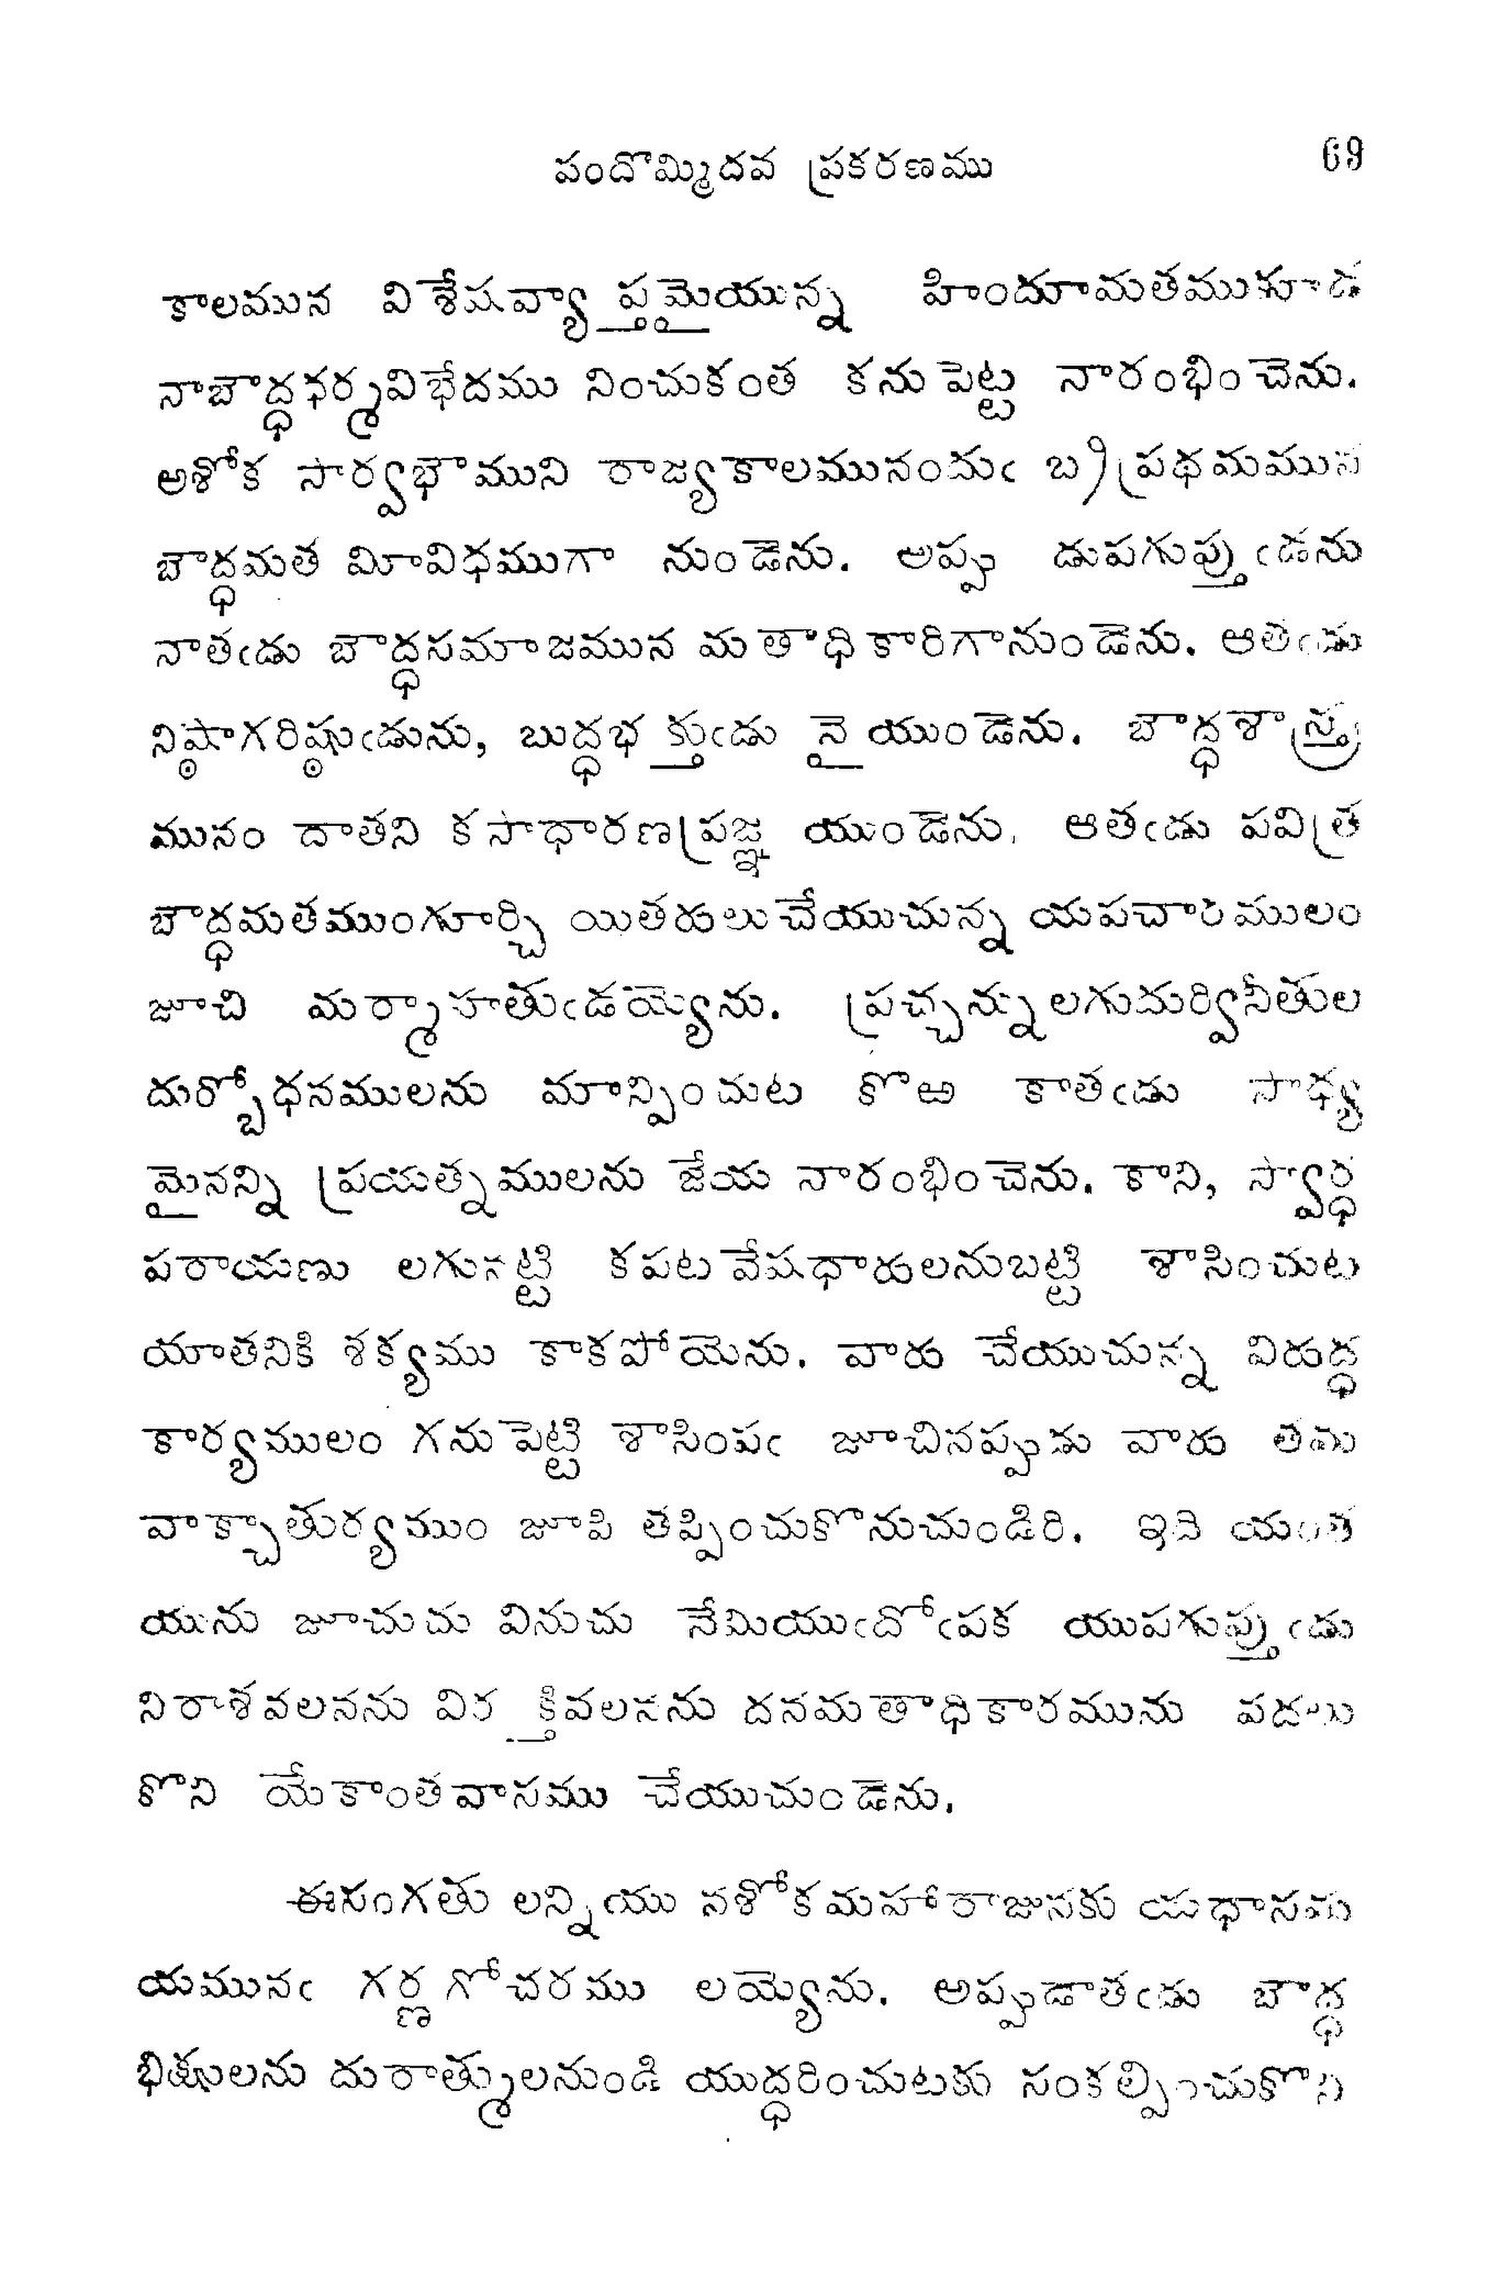కాలమున విశేషవ్యాప్తమైయున్న హిందూమతముకూడ నా బౌద్ధధర్మవిభేదము నించుకంత కనుపెట్ట నారంభించెను. అశోక సార్వభౌముని రాజ్యకాలమునందుఁ బ్రప్రథమమున
బౌద్ధమత మీవిధముగా నుండెను. అప్పు డుపగుప్తుడను నాతఁడు బౌద్ధసమాజమున మతాధి కారిగానుండెను. ఆతఁడు నిష్టాగరిష్ఠుఁడును, బుద్ధభ క్తుఁడు నై యుండెను. బౌద్ధశాస్త్రమునం దాతని కసాధారణ ప్రజ్ఞ యుండెను. ఆతఁడు పవిత్ర బౌద్ధమతముంగూర్చి యితరులు చేయుచున్న యపచారములం జూచి మర్మాహతుఁడయ్యెను. ప్రచ్చన్నులగు దుర్వినీతుల
దుర్బోధనములను మాన్పించుట కొఱ కాతఁడు సాధ్యమైనన్ని ప్రయత్నములను జేయ నారంభించెను. కాని, స్వార్ధపరాయణు లగునట్టి కపట వేషధారులనుబట్టి శాసించుట
యాతనికి శక్యము కాకపోయెను. వారు చేయుచున్న విరుద్ధ కార్యములం గను పెట్టి శాసింపఁ జూచినప్పుడు వారు తమ వాక్చాతుర్యముం జూపి తప్పించుకొనుచుండిరి. ఇవి యంతయును జూచుచు వినుచు నేమియుఁదోఁపక యుపగుప్తుఁడు నిరాశవలనను విరక్తివలనను దనమ తాధి కారమును వదలుకొని యేకాంత వాసము చేయుచుండెను,

ఈసంగతు లన్నియు నశోకమహారాజునకు యుధాసమయమునఁ గర్ణ గోచరము లయ్యెను. అప్పుడాతఁడు బౌద్ధ భిక్షులను దురాత్ములనుండి యుద్ధరించుటకు సంకల్పించుకొని